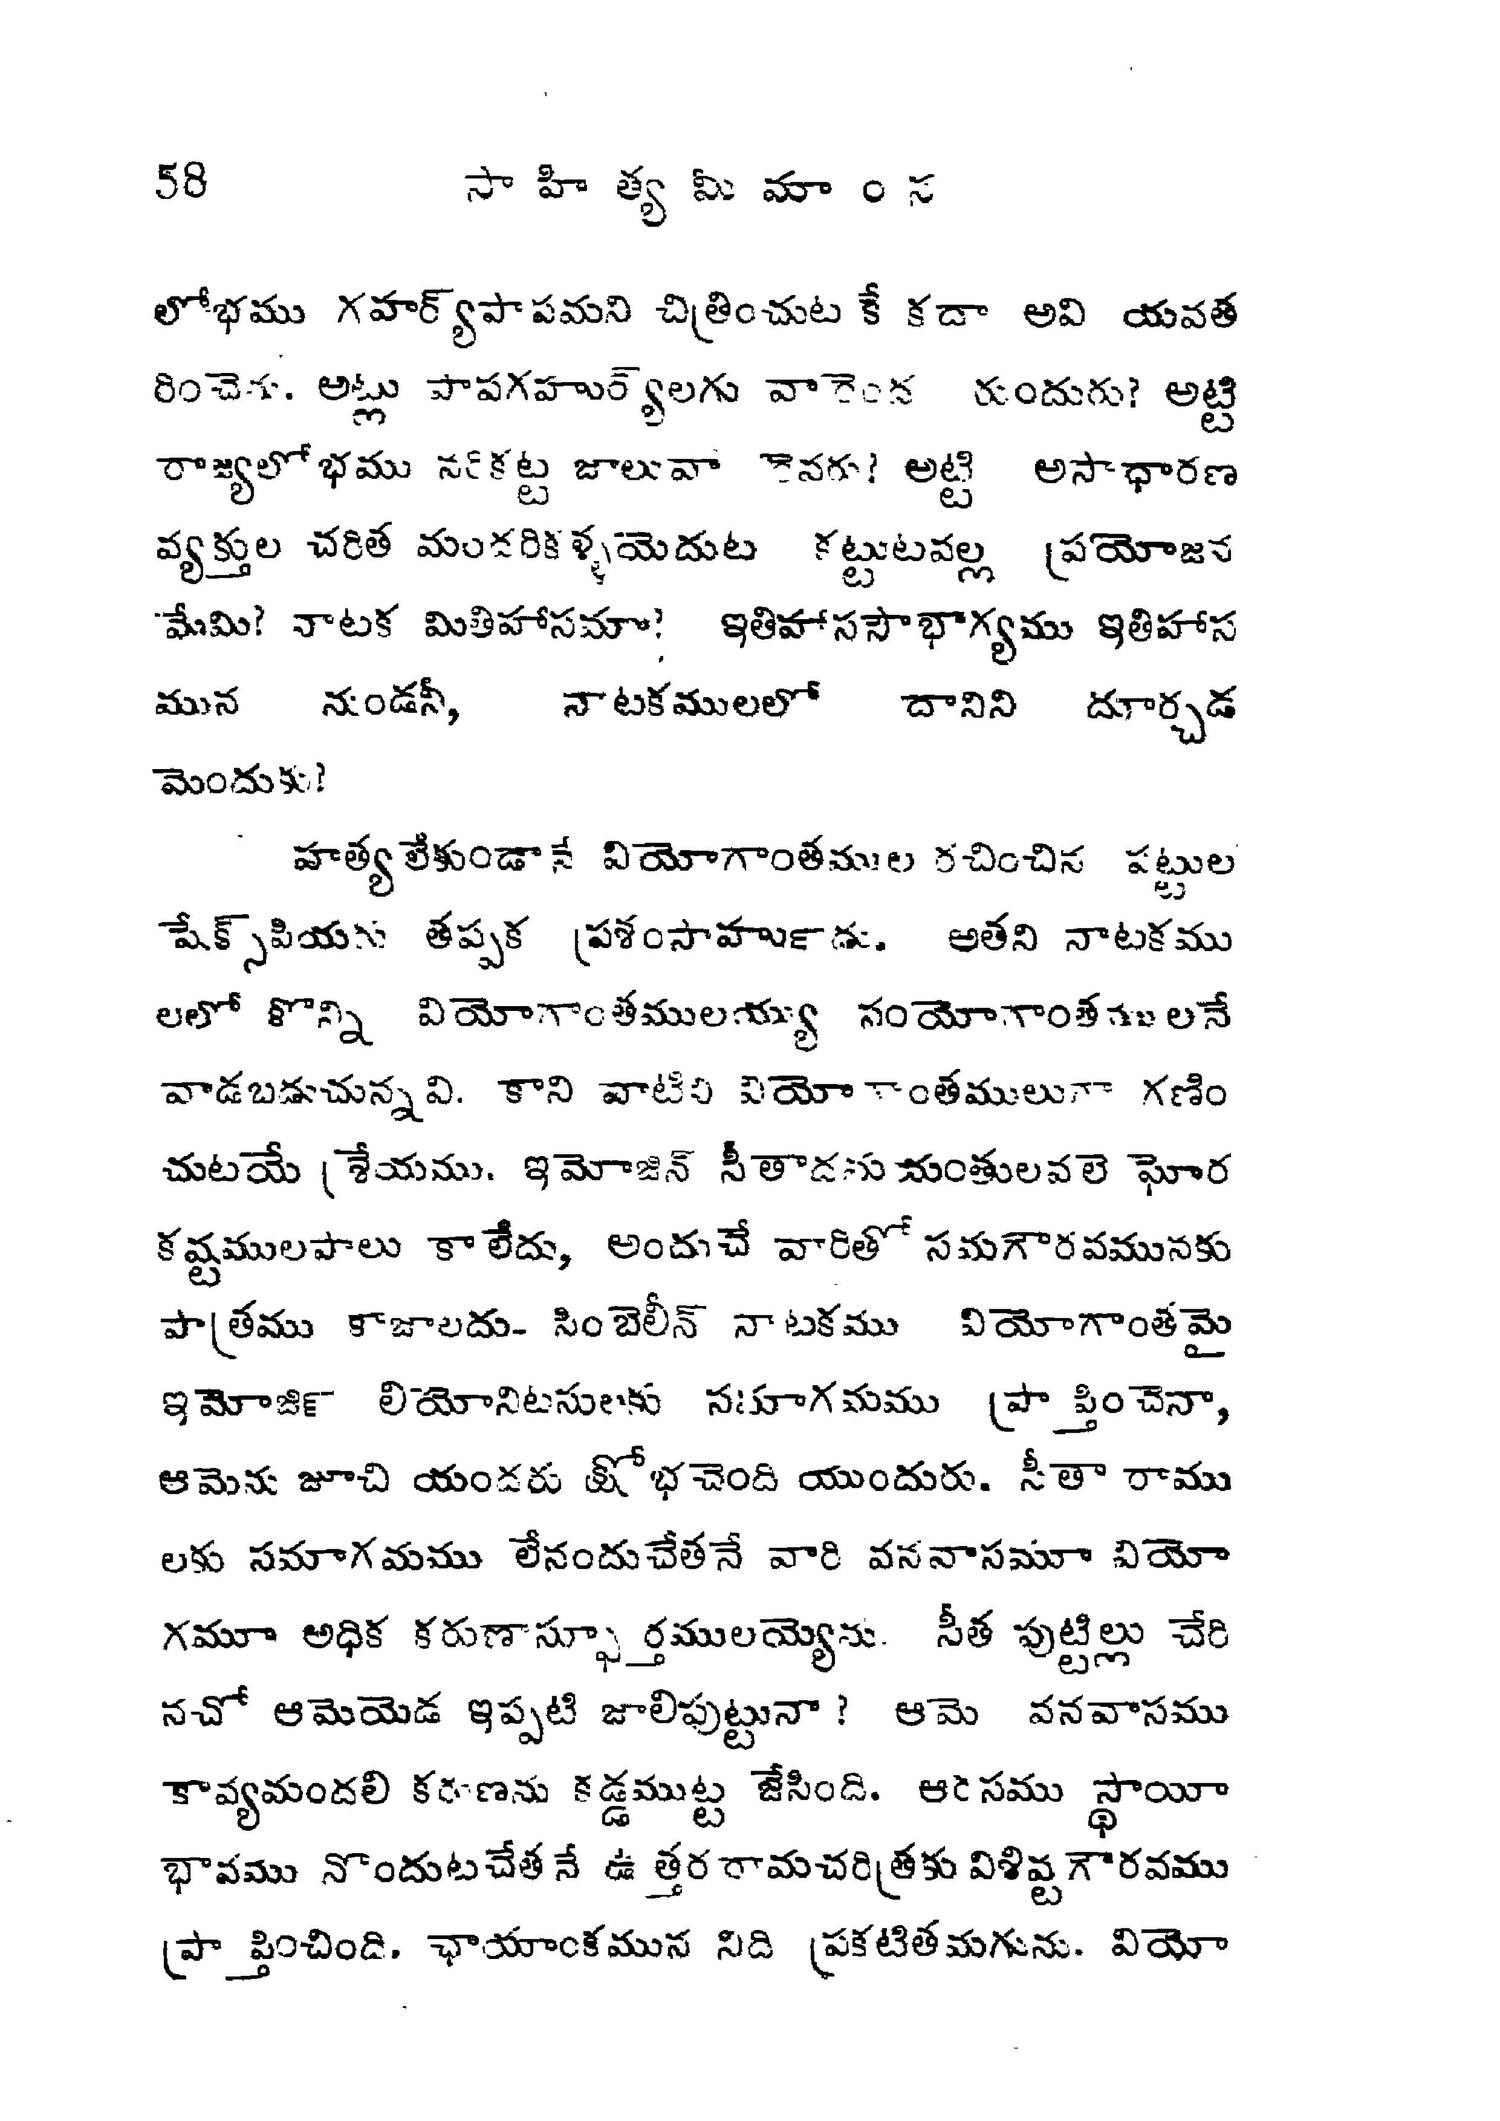లోభము గహర్య్‌పాపమని చిత్రించుట కే కదా అవి యవతరించెను. అట్లు పాపగహుర్య్‌లగు వారెంద రుందురు? అట్టి రాజ్యలోభము నరికట్ట జాలువా రెవరు? అట్టి అసాధారణ వ్యక్తుల చరిత మందరికళ్ళయెదుట కట్టుటవల్ల ప్రయోజన మేమి? నాటక మితిహాసమా? ఇతిహాససౌభాగ్యము ఇతిహాసమున నుండనీ, నాటకములలో దానిని దూర్చడ మెందుకు?

హత్యలేకుండానే వియోగాంతముల రచించిన పట్టుల షేక్స్‌పియరు తప్పక ప్రశంసాహున్‌డు. అతని నాటకములలో కొన్ని వియోగాంతములయ్యు సంయోగాంతములనే వాడబడుచున్నవి. కాని వాటిని వియోగాంతములుగా గణించుటయే శ్రేయము. ఇమోజిన్ సీతాదమయంతులవలె ఘోరకష్టములపాలు కాలేదు, అందుచే వారితో సమగౌరవమునకు పాత్రము కాజాలదు - సింబెలీన్ నాటకము వియోగాంతమై ఇమోజిన్ లియోనిటసులకు సమాగమము ప్రాప్తించెనా, ఆమెను జూచి యందరు క్షోభచెంది యుందురు. సీతా రాములకు సమాగమము లేనందుచేతనే వారి వనవాసమూ వియోగమూ అధిక కరుణాస్ఫూర్తములయ్యెను. సీత పుట్టిల్లు చేరినచో ఆమెయెడ ఇప్పటి జాలిపుట్టునా? ఆమె వనవాసము కావ్యమందలి కరుణను కడ్డముట్ట జేసింది. ఆరసము స్థాయీ భావము నొందుటచేతనే ఉత్తర రామచరిత్రకు విశిష్ట గౌరవము ప్రాప్తించింది. ఛాయాంకమున నిది ప్రకటితమగును. వియో